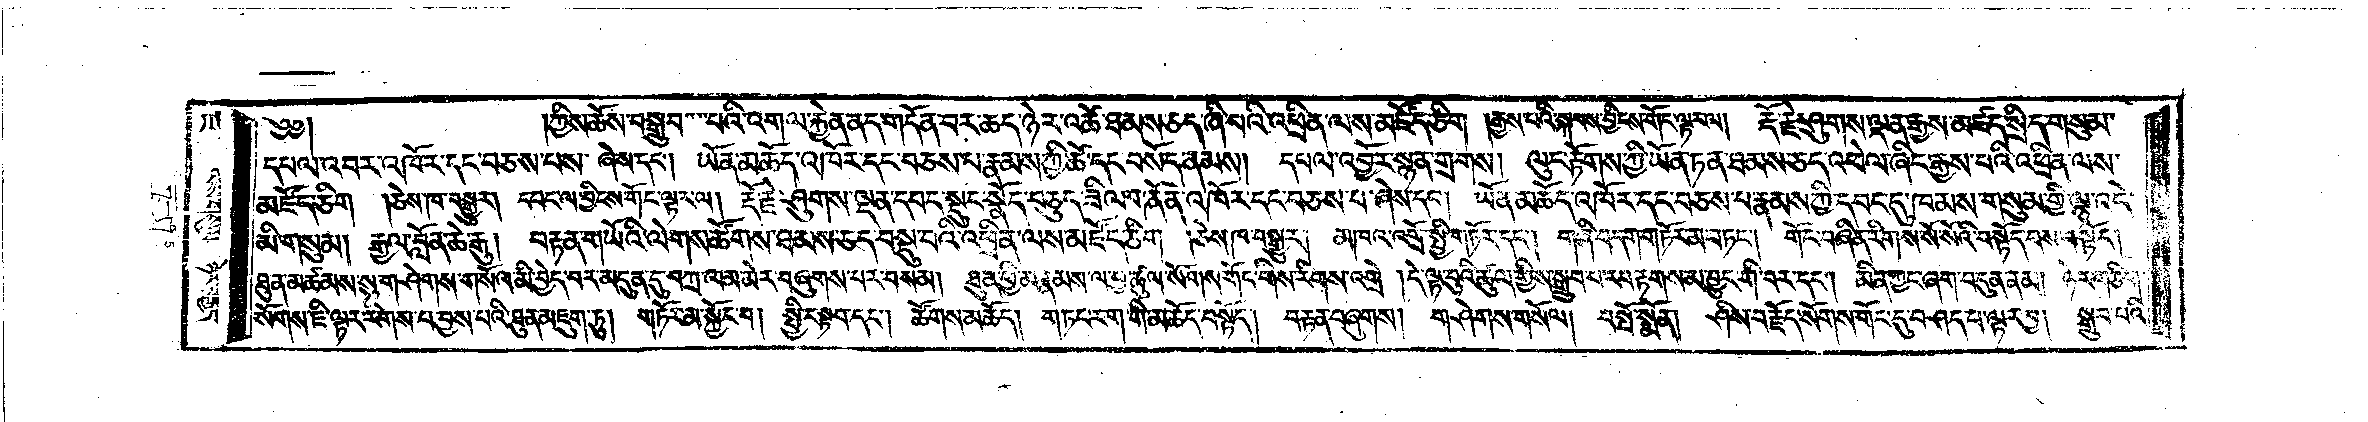༄༅། །ཀྱིས་ཆོས་བསྒྲུབ་པའི་འགལ་རྐྱེན་ནད་གདོན་བར་ཆད་ཉེར་འཚེ་ཐམས་ཅད་ཞི་བའི་འཕྲིན་ལས་མཛོད་ཅིག་།རྒྱས་པའི་སྐབས་བྱིངས་གོང་ལྟར་ལ།  རྡོ་རྗེ་ཤུགས་ལྡན་རྒྱས་མཛད་སྲིད་གསུམ་
དཔལ་འབར་འཁོར་དང་བཅས་པས་ཞེས་དང་།  ཡོན་མཆོད་འཁོར་དང་བཅས་པ་རྣམས་ཀྱི་ཚེ་དང་བསོད་ནམས། དཔལ་འབྱོར་སྙན་གྲགས། ལུང་རྟོགས་ཀྱི་ཡོན་ཏན་ཐམས་ཅད་འཕེལ་ཞིང་རྒྱས་པའི་འཕྲིན་ལས་
མཛོད་ཅིག་།ཅེས་ཁ་བསྒྱུར། དབང་ལ་བྱིངས་གོང་ལྟར་ལ།  རྡོ་རྗེ་ཤུགས་ལྡན་དབང་སྡུང་སྣོད་བཅུད་ཟིལ་གནོན་འཁོར་དང་བཅས་པ་ཞེས་དང་།  ཡོན་མཆོད་འཁོར་དང་བཅས་པ་རྣམས་ཀྱི་དབང་དུ་ཁམས་གསུམ་གྱི་ལྷ་འདྲེ་
མི་གསུམ། རྒྱལ་བློན་ཆེ་རྒུ། བརྟན་གཡོའི་ལེགས་ཚོགས་ཐམས་ཅད་བསྡུ་བའི་འཕྲིན་ལས་མཛོད་ཅིག །ཅེས་ཁ་བསྒྱུར། མཁའ་འགྲོ་སྤྱི་གཏོར་དང་། གཞི་བདག་གཏོར་མ་བཏང་། གོང་བཞིན་རིགས་སོ་སོའི་བསྟོད་བས་བསྟོད།
ཐུན་མཚམས་སུ་གཤེགས་གསོལ་མི་བྱེད་པར་མདུན་དུ་བཀྲ་ལམ་མེར་བཞུགས་པར་བསམ། ཐུན་ཕྱི་མ་རྣམས་ལ་བྱ་ཚུལ་སོགས་གོང་གིས་རིགས་འགྲོ། །དེ་ལྟ་བུའི་ཚུལ་གྱིས་སྒྲུབ་པ་རབ་རྟགས་མ་བྱུང་གི་བར་དང་། མིན་ཀྱང་ཞག་བདུན་ནམ། ཉེར་གཅིག་
སོགས་ཇི་ལྟར་རིགས་པ་བྱས་པའི་ཐུན་མཇུག་ཏུ། གཏོར་མ་སྐྱོང་བ། སྤྱི་བསྟབ་དང་། ཚོགས་མཆོད། གཏང་རག་གི་མཆོད་བསྟོད། བརྟན་བཞུགས། གཤེགས་གསོལ། བསྔོ་སྨོན། ཤིས་བརྗོད་སོགས་གོང་དུ་བཤད་པ་ལྟར་བྱ། སྒྲུབ་པའི་